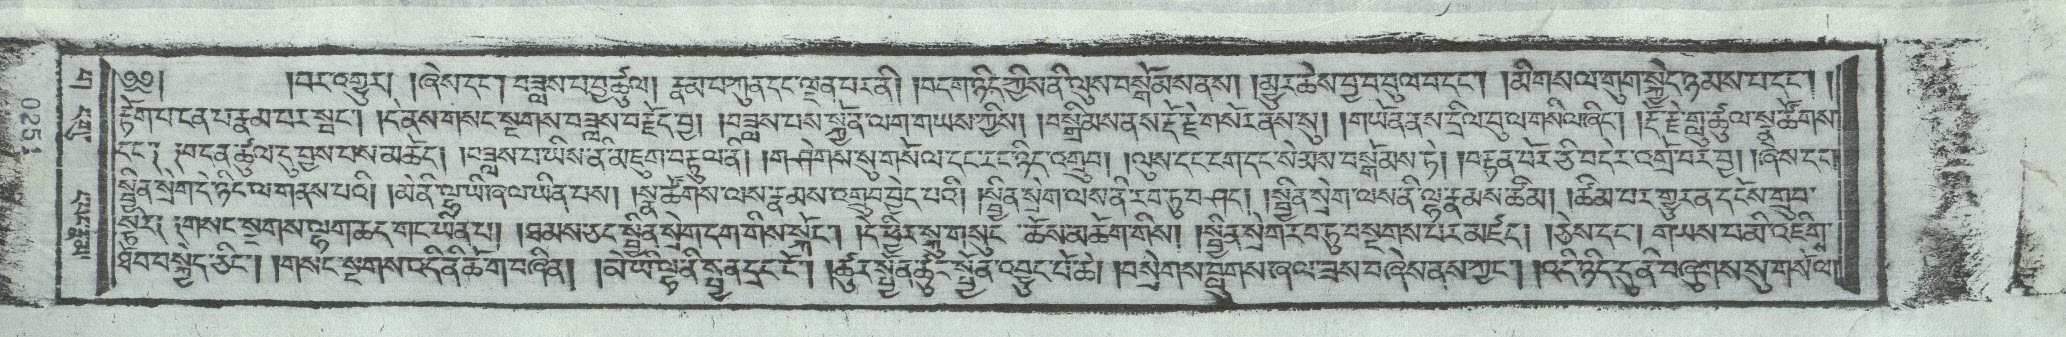༄༅། །བར་འགྱུར། །ཞེས་དང་། བཟླས་པ་བྱ་ཚུལ། རྣམ་པ་ཀུན་དང་ལྡན་པར་ནི། །བདག་ཉིད་ཀྱིས་ནི་ལུས་བསྒོམས་ནས། །མྱུར་ཆེས་བྱ་བ་བུལ་བ་དང་། །མི་གསལ་གུག་སྐྱེད་ཉམས་པ་དང་། །
རྟོག་པ་ངན་པ་རྣམ་པར་སྤང་། །དེ་ནས་གསང་སྔགས་བཟླས་བརྗོད་བྱ། །བཟླས་པས་སྐྱོན་ལག་གཡས་ཀྱིས། །བསྒྲིམས་ནས་རྡོ་རྗེ་གསོར་ནས་སུ། །གཡོན་ནས་དྲིལ་བུ་ལ་གསིལ་ཞིང་། །རྡོ་རྗེ་གླུ་ཚུལ་སྣ་ཚོགས་
དང༑ ༑བ་དན་ཚུལ་དུ་བྱས་པས་མཆོད། །བཟླས་པ་ཡིས་ནི་མཇུག་བརྟུལ་ནི། །གཤེགས་སུ་གསོལ་དང་རང་ཉིད་འགྲུབ། །ལུས་དང་ངག་དང་སེམས་བསྒོམས་ཏེ། །བརྟན་པོར་ཅི་བདེར་འགྲོ་བར་བྱ། །ཞེས་དང་།
སྦྱིན་སྲེག་དེ་ཉིད་ལ་གནས་པའི། །མེ་ནི་ལྷ་ཡི་ཞལ་ཡིན་པས། །སྣ་ཚོགས་ལས་རྣམས་འགྲུབ་བྱེད་པའི། །སྦྱིན་སྲེག་ལས་ནི་རབ་ཏུ་བཤད། །སྦྱིན་སྲེག་ལས་ནི་ལྷ་རྣམས་ཚིམ། །ཚིམ་པར་གྱུར་ན་དངོས་གྲུབ་
སྟེར༑ ༑གསང་སྔགས་ལྷག་ཆད་གང་ཡིན་པ། །ཐམས་ཅད་སྦྱིན་སྲེག་དག་གིས་སྐོང་། །དེ་ཕྱིར་སྐུ་གསུང་ཆོས་མཆོག་གིས། །སྦྱིན་སྲེག་རབ་ཏུ་བསྔགས་པར་མཛད། །ཅེས་དང་། གཡས་པ་མི་འཇིགས་
ཐོབ་བསྐྱེད་ཅིང་། །གསང་སྔགས་འདི་ནི་ཆོ་ག་བཞིན། །མེ་ཡི་ལྷ་ནི་སྤྱན་དྲང་ངོ། །ཚུར་སྤྱོན་ཚུར་སྤྱོན་འབྱུང་པོ་ཆེ། །བསྲེགས་བླུགས་ཞལ་ཟས་བཞེས་ནས་ཀྱང་། །འདི་ཉིད་དུ་ནི་བཞུགས་སུ་གསོལ།